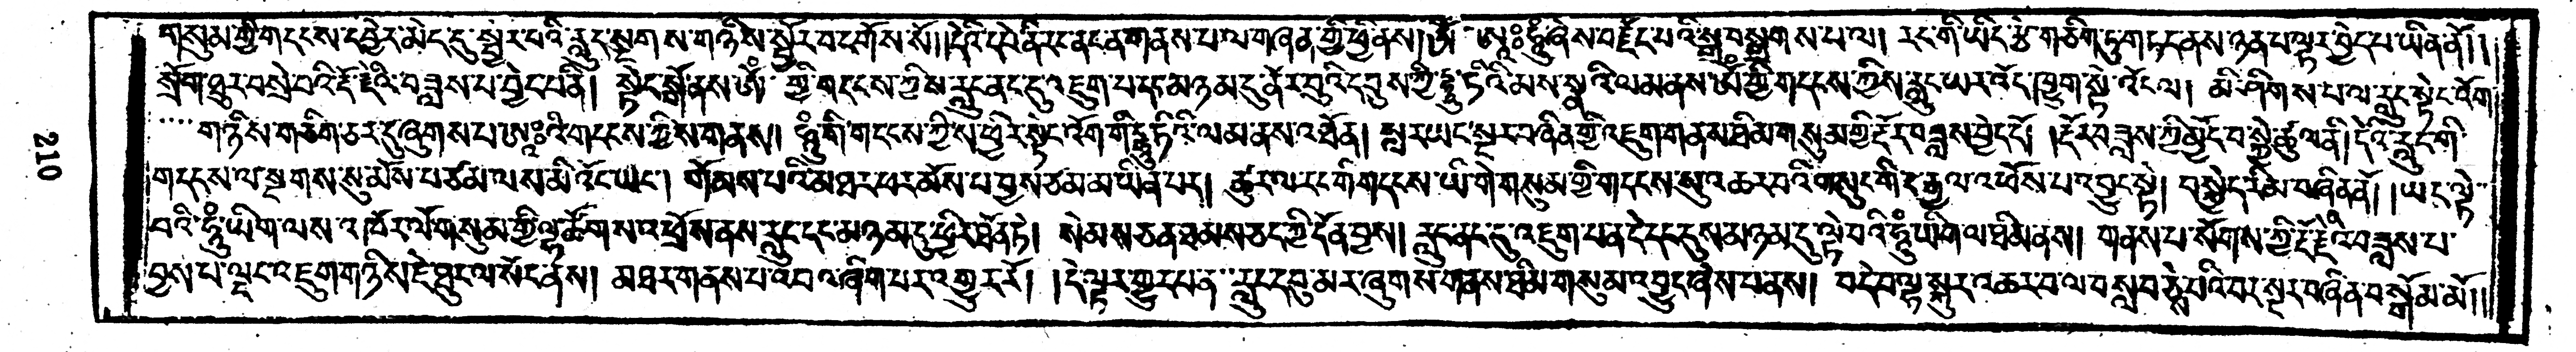གསུམ་གྱི་གདངས་དབྱེར་མེད་དུ་སྦྱོར་བའི་རླུང་སྔགས་གཉིས་སྦྱོར་བ་དགོས་སོ། །དེའི་དཔེ་ནི་རང་ནང་ན་གནས་པ་ལ་གཞན་གྱི་ཕྱི་ནས། ཨོཾ་ཨཱཿ ཧཱུཾ་ཞེས་བརྗོད་པའི་སྒྲ་བསྒྲགས་པ་ལ། རང་གི་ཡིད་རྩེ་གཅིག་ཏུ་གཏད་ནས་ཉན་པ་ལྟར་བྱེད་པ་ཡིན་ནོ། །
སྲོག་ཐུར་བསྲེ་བའི་རྡོ་རྗེའི་བཟླས་པ་བྱེད་པ་ནི། སྟེང་སྒོ་ནས་ཨོཾ་གྱི་གདངས་ཀྱིས་རླུང་ནང་དུ་འཇུག་པ་དང་མཉམ་དུ་ནོར་བུའི་དབུས་ཀྱི་དྷཱུ་ཏིའི་མས་སྣའི་ལམ་ནས་ཨོཾ་གྱི་གདངས་ཀྱིས་རླུང་ཡར་འོད་ཁྱུག་སྟེ་འོང་ལ། མི་ཤིགས་པ་ལ་རླུང་སྟེང་འོག་
གཉིས་གཅིག་ཅར་དུ་ཞུགས་པ་ཨཱཿ འི་གདངས་ཀྱིས་གནས། ཧཱུཾ་གི་གདངས་ཀྱིས་ཕྱིར་སྟེང་འོག་གི་དྷཱུ་ཏིའི་ལམ་ནས་འཐོན། སླར་ཡང་སྔར་བཞིན་གྱི་འཇུག་གནས་ཐིམ་གསུམ་གྱི་རྡོར་བཟླས་བྱེད་དོ། །རྡོར་བཟླས་ཀྱི་མྱོང་བ་སྐྱེ་ཚུལ་ནི། དེའི་རླུང་གི་
གདངས་ལ་སྔགས་སུ་མོས་པ་ཙམ་ལས་མི་འོང་ཡང་། གོམས་པའི་མཐར་ཕར་མོས་པ་བྱས་ཙམ་མ་ཡིན་པར། ཚུར་ལ་རང་གི་གདངས་ཡི་གེ་གསུམ་གྱི་གདངས་སུ་འཆར་བའི་གསུང་གི་ང་རྒྱལ་འཕོས་པ་འབྱུང་སྟེ། བསྐྱེད་རིམ་བཞིན་ནོ། །ཡང་ལྟེ་
བའི་ཧཱུཾ་ཡིག་ལས་འཁོར་ལོ་གསུམ་གྱི་ལྷ་ཚོགས་འཕྲོས་ནས་རླུང་དང་མཉམ་དུ་ཕྱིར་ཐོན་ཏེ། སེམས་ཅན་ཐམས་ཅད་ཀྱི་དོན་བྱས། རླུང་ནང་དུ་འཇུག་པ་ན་དེ་དང་དུས་མཉམ་དུ་ལྟེ་བའི་ཧཱུཾ་ཡིག་ལ་ཐིམ་ནས། གནས་པ་སོགས་ཀྱི་རྡོ་རྗེའི་བཟླས་པ་
བྱས་པ་ལྡང་འཇུག་གཉིས་ཇེ་ཐུང་ལ་སོང་ནས། མཐར་གནས་པ་འབའ་ཞིག་པར་འགྱུར་རོ། །དེ་ལྟར་གྱུར་པ་ན་རླུང་དབུ་མར་ཞུགས་གནས་ཐིམ་གསུམ་འབྱུང་ཞེས་པ་ནས། བདེ་བ་ལྷ་སྐུར་འཆར་བ་ལ་བསླབ་ཅེས་པའི་བར་སྔར་བཞིན་བསྒོམ་མོ། །